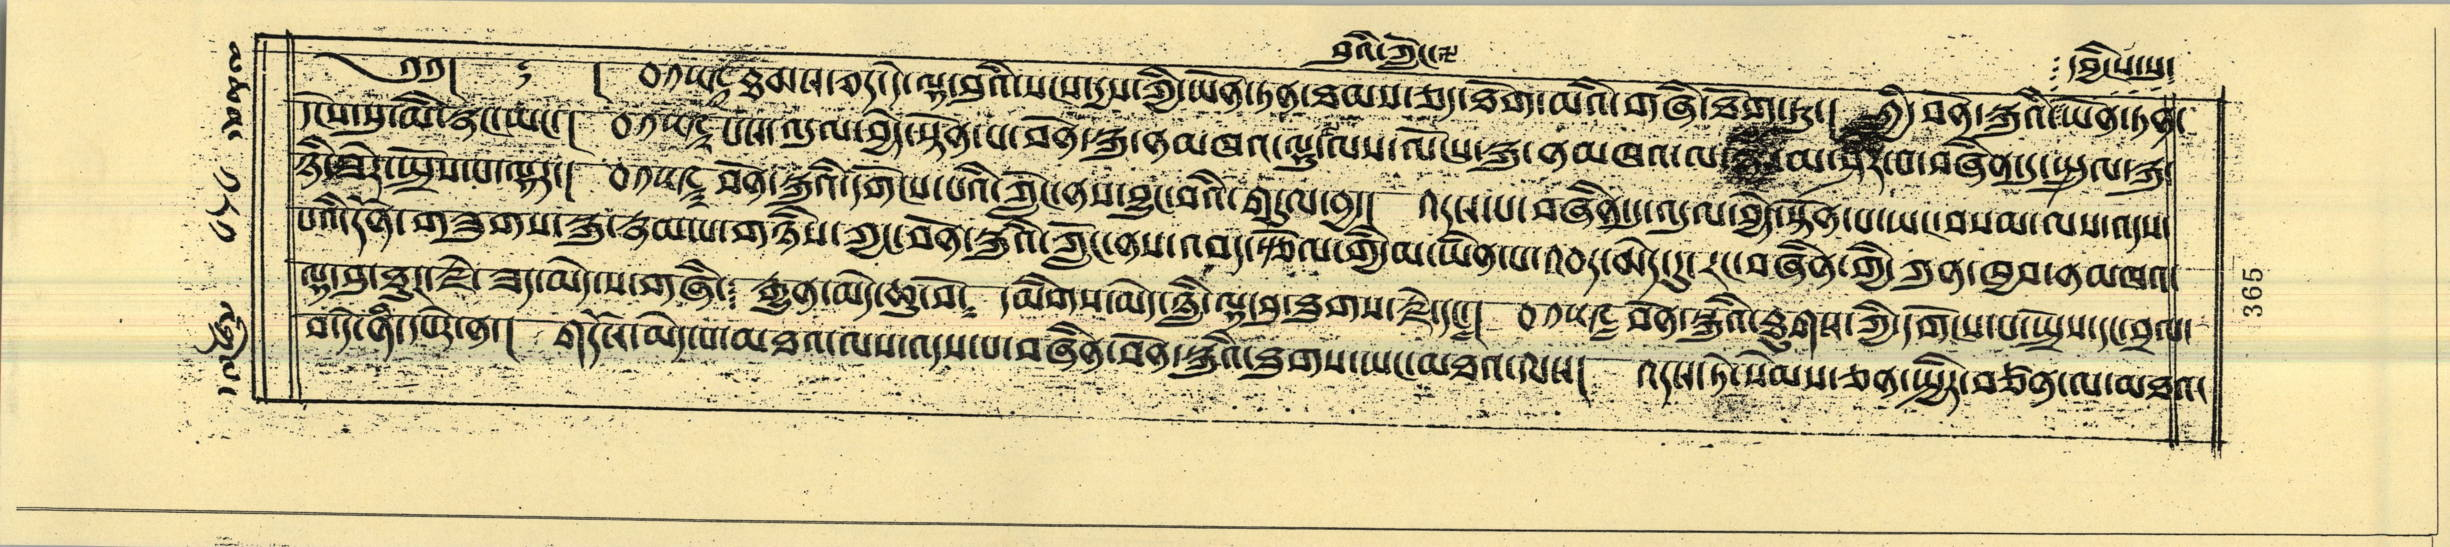བ༡༥༩།༡ ༼ཐམས་ཅད་༽དེ་ལྟ་བུའི་སངས་རྒྱས་ཀྱི་ཡོན་ཏན་ཐམས་ཅད་ཐོག་མའི་གཞི་ཐོག་ཏུ། ༼ཀྱི་༽བོན་སྐུའི་དབྱིངས་སུ་ཡོན་ཏན་
དངོས་སུ་མི་སྣང་ཡང། བ༡༥༩།༢ ༼པས་༽འདུལ་བྱེད་སྟོན་པ་བོན་སྐུ་ནམ་མཁའ་ལྟ་བུའི་ཀློང་ལས་ལོངས་སྐུ་ནམ་མཁའ་ལ་ཉི་མ་ཤར་བ་བཞིན་དུ་སྤྲུལ་སྐུ་
ཉི་ཟེར་སྤྲོས་པ་ལྟར། བ༡༥༩།༣ བོན་སྐུའི་དགོངས་པའི་ཀློང་ནས་བྱུང་བའི་ ༼གདུལ་བྱ།༽ ༼འདས་པ་༽བཞིན་དུ་འདུལ་བྱེད་སྟོན་པ་ཡང་བསམ་ལས་འདས་
པའི་ ༼དོན་༽གཟུགས་སྐུ་རྣམ་པ་གཉིས་ཀྱང་བོན་སྐུའི་ཀློང་ནས་འབད་རྩོལ་གྱི་མ་ཡིན་པ་ ༼འབད་མེད་དུ་༽རང་བཞིན་གྱི་ཀུན་ཁྱབ་ནམ་མཁའ་
ལྟ་བུ་ཐུགས་རྗེ་ཟད་མེད་ས་གཞི། རྒྱུན་མེད་ཆུ་བོ་་་། དམིགས་མེད་ཉི་ཟླ་ལྟ་བུ་ཐུགས་རྗེ་དང། བ༡༥༩།༤ བོན་སྐུའི་ ༼ཐུགས་༽ཀྱི་དགོངས་པ་སྤྲོས་དང་བྲལ་
བ་དེ་ནི་དཔེར་ན། ༼གདོས་༽མེད་པ་མཐའ་ལས་འདས་པ་བཞིན་བོན་སྐུའི་ཐུགས་ཡང་མཐའ་ ༼ལས།༽ ༼འདས་༽ཏེ་སེམས་ཅན་སྤྱིར་བཙན་ལ་མཐའ་